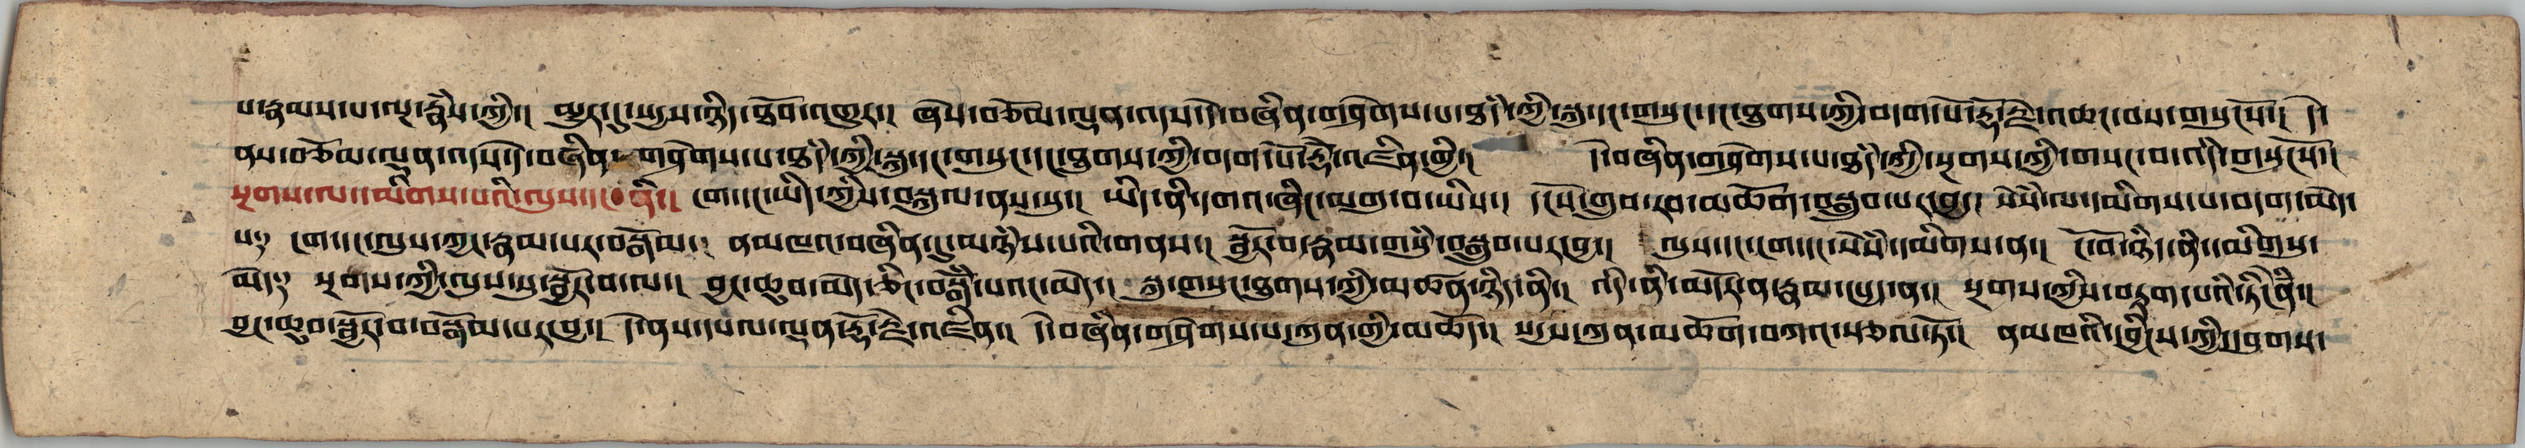པ་རྣམས་པ་ལྔ་རྣཾས་ཀྱི་། མྱུར་དུ་སདྱས་ཉིད་ཐོབ་འགྱུར་། ཞེས་བཅོམ་ལྡན་འདས་དེ་བཞིན་གཤེགས་པ་ཐཾད་ཀྱི་སྐུ་དང་གསུང་དང་ཐུགས་ཀྱིི་བདག་པོ་རྡོ་རྗེ་འཆང་བས་གསུངསོ་།
ནས་བཅོམ་ལྡན་འདས་དེ་བཞིན་གཤེགས་པ་ཐཾད་ཀྱི་སྐུ་དང་གསུང་དང་ཐུགས་ཀྱི་བདག་པོ་རྡོེ་འཛིན་གྱི་། དེ་བཞིན་གཤེགས་པ་ཐཾད་ཀྱི་སྔགས་ཀྱི་གསང་བ་འདི་གསུངསོ་།
སྔགས་ལ་དམིགས་པའི་ལུས་དང་ནི་། ངག་དང་ཡིད་ཀྱིས་བསྐུལ་ནས་སུ་། ཡིད་ནི་དགའ་ཞིང་མགུ་བ་ཡིས་། དངོས་གྲུབ་རབ་མཆོག་བསྒྲུབ་པར་བྱ་། སེཾས་ལ་དམིགས་པ་བདག་མེད་
པ༑ ངག་དང་ལུས་ཀྱང་རྣམ་པར་བསྒོམ་། ནམཁའ་བཞིན་དུ་མཉཾས་པའི་གནས་། སྦྱོར་བ་རྣམ་གསུཾ་བསྒྲུབ་པར་བྱ་། ལུས་དང་ངག་དང་སེཾས་དམིགས་ན་། ངོ་བོ་ཉིད་ནི་དམིགསུ་
མེད༑ སྔགས་ཀྱི་ལུས་སུ་སྦྱོར་བ་ལ་། བྱང་ཆུབ་མེད་ཅིང་བསྒོཾ་པའང་མེད་། སྐུ་གསུང་ཐུགས་ཀྱི་མཚན་ཉིད་ནི་། འདི་ནི་མདོར་ན་རྣམ་དཔྱད་ན་། སྔགས་ཀྱིས་བརྟག་པའི་ཏིངེཛིན་།
བྱང་ཆུབ་སྦྱོར་བ་བསྒོམ་པར་བྱ་། དེ་ནས་དཔལ་ལྡན་རྡོ་རྗེ་འཛིན་། དེ་བཞིན་གཤེགས་པ་ཀུན་གྱི་མཆོད་། སདྱས་ཀུན་མཆོག་བཀའ་སྩལ་ཏོ་། ནམཁའི་དབྱིངས་ཀྱི་དབུགས་